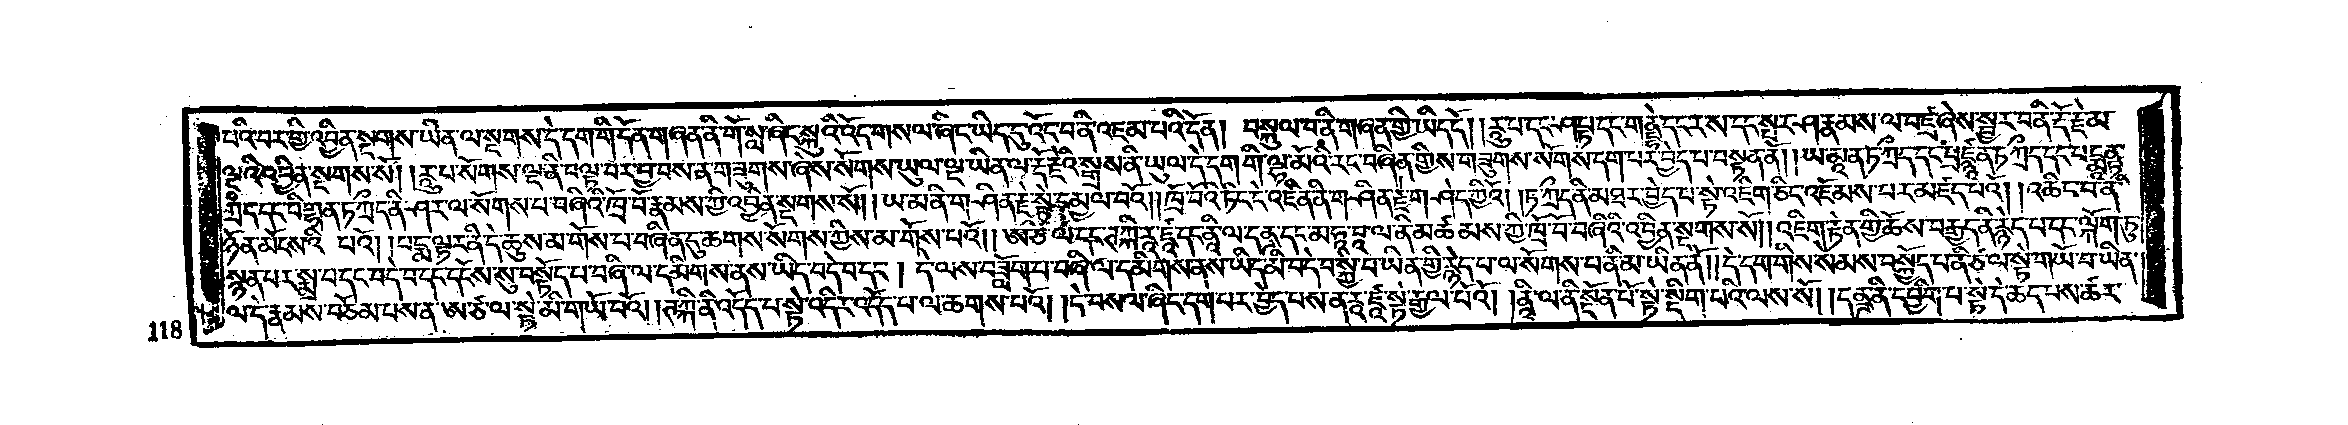པའི་བར་གྱི་འབྱིན་སྔགས་ཡིན་ལ་སྔགས་དེ་དག་གི་དོན་གཞན་ནི་གོ་སླ་ཞིང་སྐུའི་འོད་གསལ་ཞིང་ཡིད་དུ་འོང་བ་ནི་འཇམ་པའི་དོན། བསྐུལ་བ་ནི་གཞན་གྱི་ཡིད་དོ། །རཱུ་པ་དང་ཤཔྟ་དང་གནྡྷེ་དང་ར་ས་དང་སྤར་ཤ་རྣམས་ལ་བཛྲ་ཞེས་སྦྱར་བ་ནི་རྡོ་རྗེ་མ་
ལྔའི་འབྱིན་སྔགས་སོ། །རཱུ་པ་སོགས་ལྔ་ནི་བལྟ་བར་བྱ་བས་ན་གཟུགས་ཞེས་སོགས་ཡུལ་ལྔ་ཡིན་ལ་རྡོ་རྗེའི་སྒྲས་ནི་ཡུལ་དེ་དག་གི་ལྷ་མོའི་རང་བཞིན་གྱིས་གཟུགས་སོགས་དག་པར་བྱེད་པ་བསྟན་ནོ། །ཡ་མཱན་ཏྀ་ཀྲྀད་དང་པྲ་ཛྙཱ་ན་ཏ་ཀྲྀད་དང་པདམཱནྟ་
ཀྲྀད་དང་བིགྷན་ཏྀ་ཀྲད་ནི་ཤར་ལ་སོགས་པ་བཞིའི་ཁྲོ་བོ་རྣམས་ཀྱི་འབྱིན་སྔགས་སོ། །ཡ་མ་ནི་གཤིན་རྗེ་སྟེ་དམྱལ་བའོ། །ཁྲོ་བེའི་ཏིང་ངེ་འཛིན་ནི་གཤིན་རྗེ་གཤེད་ཀྱིའོ། །ཏྀ་ཀྲད་ནི་མཐར་བྱེད་པ་སྟེ་འཇིག་ཅིང་འཇོམས་པར་མཛད་པའོ། །འཆིང་བ་ནི་
ཉོན་མོངས་འི་?་པའོ། །པདམ་ལྟར་ནི་དེ་ཆུས་མ་གོས་པ་བཞིན་དུ་ཆགས་སོགས་ཀྱིས་མ་གོས་པའོ། །ཨ་ཅེ་ལ་དང་ཊཀྐི་རཱ་ཛཱ་དང་ནཱི་ལ་དནྜ་དང་མཧཱ་བཱ་ལ་ནི་མཚམས་ཀྱི་ཁྲོ་བོ་བཞིའི་འབྱིན་སྔགས་སོ། །འཇིག་རྟེན་གྱི་ཆོས་བརྒྱད་ནི་རྙེད་པ་དང་ལྐོག་ཏུ་
སྙན་པར་སྨྲ་བ་དང་བདེ་བ་དང་དངོས་སུ་བསྟོད་པ་བཞི་ལ་དམིགས་ནས་ཡིད་བདེ་བ་དང་། དེ་ལས་བཟློག་པ་བཞི་ལ་དམིགས་ནས་ཡིད་མི་བདེ་བ་སྐྱེ་བ་ཡིན་གྱི་རྙེད་པ་ལ་སོགས་པ་ནི་མ་ཡིན་ནོ། །དེ་དག་གིས་སེམས་བསྐྱོད་པ་ནི་ཙ་ལ་སྟེ་གཡོ་བ་ཡིན་
ལ་དེ་རྣམས་བཅོམ་པས་ན་ཨ་ཙ་ལ་སྟེ་མི་གཡོ་བའོ། །ཊཀྐི་ནི་འདོད་པ་སྟེ་འདིར་འདོད་པ་ལ་ཆགས་པའོ། །དེ་བསལ་ཞིང་དག་པར་བྱེད་པས་ན་རཱ་ཛཱ་སྟེ་རྒྱལ་པོའོ། །ནཱི་ལ་ནི་སྔོན་པོ་སྟེ་སྡིག་པའི་ལས་སོ། །དནྜ་ནི་དབྱིག་པ་སྟེ་དེ་ཆད་པས་ཚར་